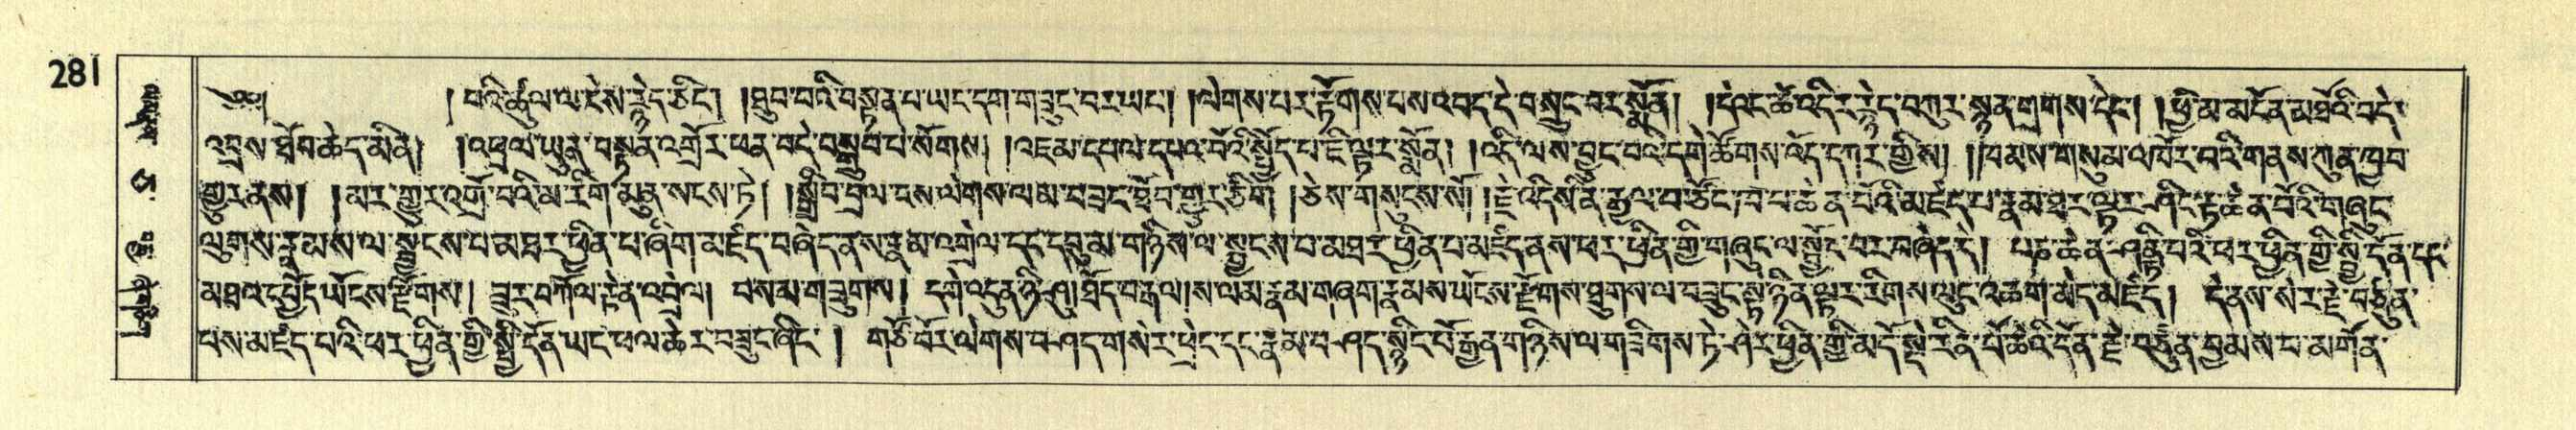༄༅། །པའི་ཚུལ་ལ་ངེས་རྙེད་ཅིང་། །ཐུབ་བའི་བསྟན་པ་ཡང་དག་གཟུང་བར་ཡང་། །ལེགས་པར་རྟོགས་པས་འབད་དེ་བསྲུང་བར་སྨོན། །དེའང་ཚེ་འདིར་རྙེད་བཀུར་སྙན་གྲགས་དེང་། །ཕྱི་མ་མངོན་མཐོའི་བདེ་
འབྲས་ཐོབ་ཆེད་མིན། །འཕྲལ་ཡུན་བསྟན་འགྲོར་ཕན་བདེ་བསྒྲུབ་པ་སོགས། །འཇམ་དཔལ་དཔའ་བོའི་སྤྱོད་པ་ཇི་ལྟར་སྨོན། །འདི་ལས་བྱུང་བའི་དགེ་ཚོགས་འོད་དཀར་གྱིས། །ཁམས་གསུམ་འཁོར་བའི་གནས་ཀུན་ཁྱབ་
གྱུར་ནས། །མར་གྱུར་འགྲོ་བའི་མ་རིག་མུན་སངས་ཏེ། །སྒྲིབ་བྲལ་བས་ལེགས་ལམ་བཟང་ཐོབ་གྱུར་ཅིག །ཅེས་གསུངས་སོ། །རྗེ་འདི་ནི་རྒྱལ་བ་ཙོང་ཁ་པ་ཆེན་པོའི་མཛད་པ་རྣམ་ཐར་ལྟར་ཤིང་རྟ་ཆེན་པོའི་གཞུང་
ལུགས་རྣམས་ལ་སྦྱངས་པ་མཐར་ཕྱིན་པ་ཞིག་མཛད་བཞེད་ནས་རྣམ་འགྲེལ་དང་དབུ་མ་གཉིས་ལ་སྦྱངས་པ་མཐར་ཕྱིན་པ་མཛད་ནས་ཕར་ཕྱིན་གྱི་གཞུང་ལ་སྦྱོང་བར་བཞེད་དེ། པཎ་ཆེན་ཤནྟི་པའི་ཕར་ཕྱིན་གྱི་སྦྱི་དོན་དང་
མཐའ་དཔྱོད་ཡོངས་རྫོགས། ཟུར་བཀོལ་རྟེན་འབྲེལ། བསམ་གཟུགས། དགེ་འདུན་ཉི་ཤུ། ཐོད་བརྒལ། ས་ལམ་རྣམ་གཞག་རྣམས་ཡོངས་རྫོགས་ཐུགས་ལ་བཟུང་སྟེ་ཉིན་ལྟར་རིགས་ལུང་འཆག་མེད་མཛད། དེ་ནས་སེར་རྗེ་བཙུན་
པས་མཛད་པའི་ཕར་ཕྱིན་གྱི་སྤྱི་དོན་ཡང་ཕལ་ཆེར་བཟུང་ཞིང་། གཙོ་བོར་ལེགས་བཤད་གསེར་ཕྲེང་དང་རྣམ་བཤད་སྙིང་པོ་རྒྱན་གཉིས་ལ་གཟིགས་ཏེ་ཤེར་ཕྱིན་གྱི་མདོ་སྡེ་རིན་པོ་ཆེའི་དོན་རྗེ་བཙུན་བྱམས་པ་མགོན་